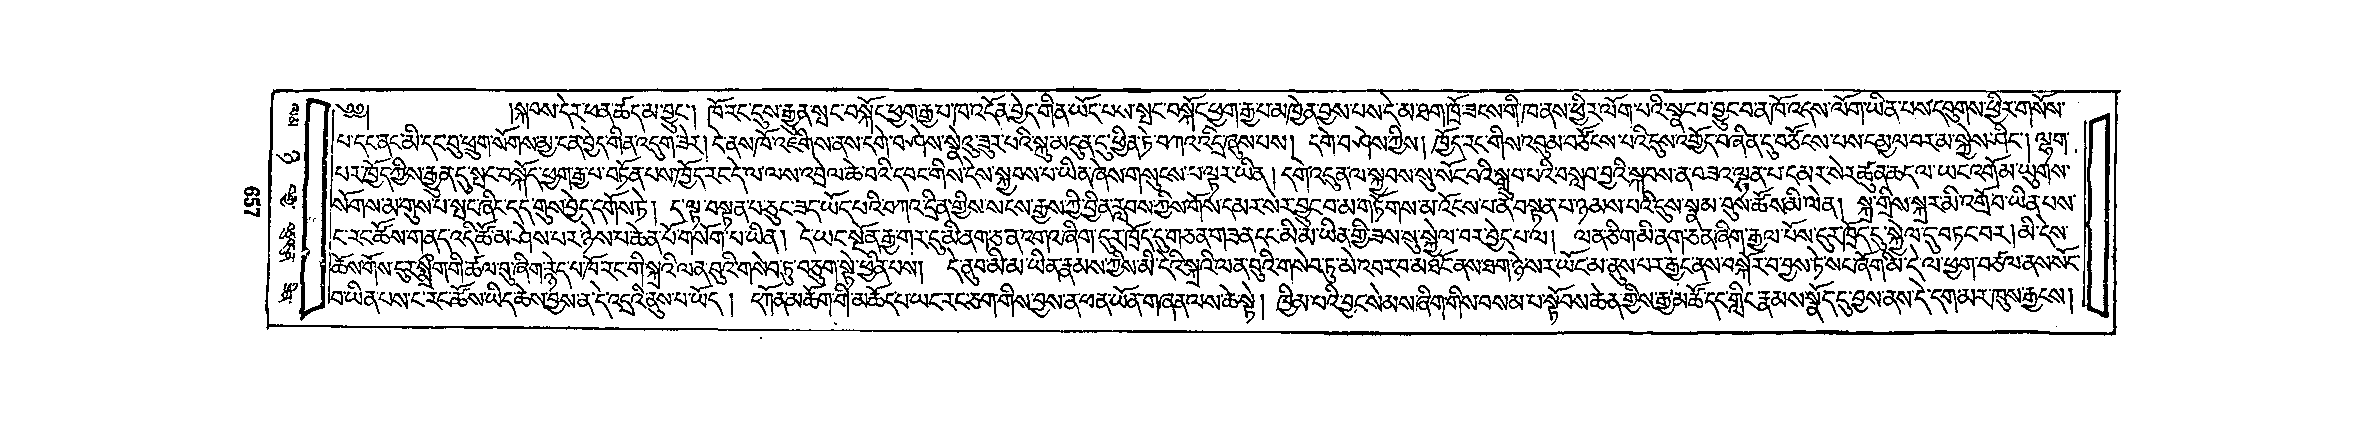༄༅། །སྐབས་དེར་ཕན་ཚད་མ་བྱུང་། ཁོ་རང་དུས་རྒྱུན་སྤང་བསྐོང་ཕྱག་རྒྱ་པ་ཁ་འདོན་བྱེད་གིན་ཡོད་པས་སྤང་བསྐོང་ཕྱག་རྒྱ་པ་མཁྱེན་བྱས་པས་དེ་མ་ཐག་ཁྲོ་ཟངས་གི་ཁ་ནས་ཕྱིར་ལོག་པའི་སྣང་བ་བྱུང་བ་ན་ཁོ་འདས་ལོག་ཡིན་པས་དབུགས་ཕྱིར་གསོས་
པ་དང་ནང་མི་དང་བུ་ཕྲུག་སོགས་མྱ་ངན་བྱེད་གིན་འདུག་ཟེར། དེ་ནས་ཁོ་འཇིགས་ནས་དགེ་བཤེས་སྣེའུ་ཟུར་པའི་སྐུ་མདུན་དུ་ཕྱིན་ཏེ་བཀའ་འདྲི་ཞུས་པས། དགེ་བཤེས་ཀྱིས། ཁྱོད་རང་གིས་འབུམ་བཙོངས་པའི་དུས་འགྱོད་བཞིན་དུ་བཙོངས་པས་དམྱལ་བར་མ་སྐྱེས་ཤིང་། ལྷག་
པར་ཁྱོད་ཀྱིས་རྒྱུན་དུ་སྤང་བསྐོད་ཕྱག་རྒྱ་པ་བཏོན་པས་ཁྱོད་རང་དེ་ལ་ལས་འབྲེལ་ཆེ་བའི་དབང་གིས་དེས་སྐྱབས་པ་ཡིན་ཞེས་གསུངས་པ་ལྟར་ཡིན། དགེ་འདུན་ལ་སྐྱབས་སུ་སོང་བའི་སྒྲུབ་པའི་བསླབ་བྱའི་སྐབས་ན་བཟའ་ལྷན་པ་དམར་སེར་ཚུན་ཆད་ལ་ཡང་འགོམ་ཡུགས་
སོགས་མ་གུས་པ་སྤང་ཞིང་དད་གུས་བྱེད་དགོས་ཏེ། ད་ལྟ་བསྟན་པ་ཅུང་ཟད་ཡོད་པའི་བཀའ་དྲིན་གྱིས་སངས་རྒྱས་ཀྱི་བྱིན་རླབས་ཀྱིས་གོས་དམར་སེར་བྱུང་བ་མ་གཏོགས་མ་འོངས་པ་ན་བསྟན་པ་ཉམས་པའི་དུས་སྣམ་བུས་ཚོས་མི་ལེན། སྐྲ་གྲིས་སྐྲར་མི་འགྲོ་བ་ཡིན་པས་
ང་རང་ཚོས་གནད་འདི་ཚོ་མ་ཤེས་པར་ཉེས་པ་ཆེན་པོ་གསོག་པ་ཡིན། དེ་ཡང་སྔོན་རྒྱ་གར་དུ་མི་ནག་ཅན་འགའ་ཞིག་དུར་ཁྲོད་དུ་གཅན་གཟན་དང་མི་མ་ཡིན་གྱི་ཟས་སུ་སྐྱེལ་བར་བྱེད་པ་ལ། ལན་ཅིག་མི་ནག་ཅན་ཞིག་རྒྱལ་པོས་དུར་ཁྲོད་དུ་སྐྱེལ་དུ་བཏང་བར། མི་དེས་
ཆོས་གོས་ངུར་སྨྲིག་གི་ཚལ་བུ་ཞིག་རྙེད་པ་ཁོ་རང་གི་སྐྲའི་ལན་བུའི་གསེབ་ཏུ་བཅུག་སྟེ་ཕྱིན་པས། དེ་ནུབ་མི་མ་ཡིན་རྣམས་ཀྱིས་མི་དེའི་སྐྲའི་ལན་བུའི་གསེབ་ཏུ་མེ་འབར་བ་མཐོང་ནས་ཐག་ཉེ་སར་ཡོང་མ་ནུས་པར་རྒྱང་ནས་བསྐོར་བ་བྱས་ཏེ་སང་ཞོག་མི་དེ་ལ་ཕྱག་བཙལ་ནས་སོང་
བ་ཡིན་པས་ང་རང་ཚོས་ཡིད་ཆེས་བྱས་ན་དེ་འདྲའི་ནུས་པ་ཡོད། དཀོན་མཆོག་གི་མཆོད་པ་ཡང་རང་ཅག་གིས་བྱས་ན་ཕན་ཡོན་གཞན་ལས་ཆེ་སྟེ། ཁྱིམ་པའི་བྱང་སེམས་ཞིག་གིས་བསམ་པ་སྟོབས་ཆེན་གྱིས་རྒྱ་མཚོ་དང་གླིང་རྣམས་སྣོད་དུ་བྱས་ནས་དེ་དག་མར་ཁུས་རྒྱངས།